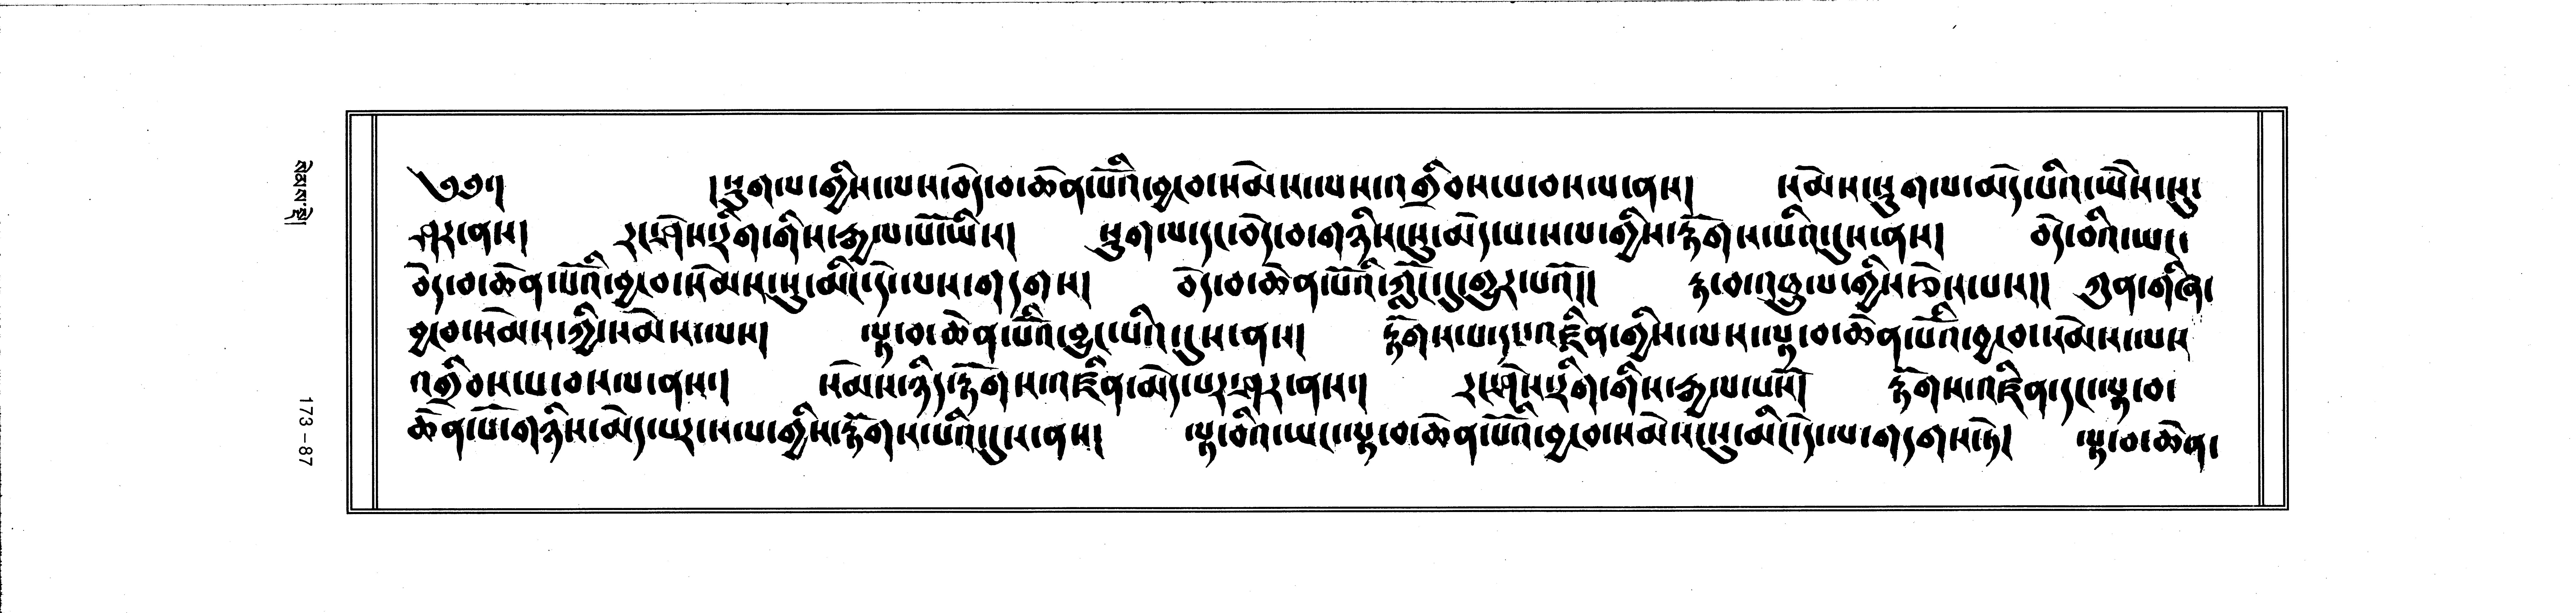སྡུག་བསྔལ་གྱི་ལས་བདེ་བ་ཆེན་པོའི་བྱང་ཆུབ་བྱང་ཆུབ་སེམས་ལས་འགྲིབ་པ་བསལ་ནས། སེམས་སྡུག་བསྔལ་མེད་པའི་ཡེ་ཤེས་སུ་
ཤར་ནས། རང་ཤེས་རིག་གི་རྒྱལ་པོ་ཡིས། སྡུག་བསྔལ་དང་བདེ་བ་གཉིས་སུ་མེད་པ་སལ་གྱིས་རྟོིགས་པའི་དུས་ན། བདེ་བའི་ཡང་
བདེ་བ་ཆེན་པོའི་བྱང་ཆུབ་སེམས་སུ་མིང་དེ་ལ་གདགས། བདེ་བ་ཆེན་པོའི་ཀློང་དུ་གྱུར་པའོ། །རྟ་བ་འཕྲུལ་གྱིས་ཅེས་པས། ཀུན་གཞི་
བྱང་ཆུབ་ཀྱི་སེམས་ལས། ལྟ་བ་ཆེན་པོ་བྱུང་བའི་དུས་ནས། རྟོགས་པ་དང་འཛིན་གྱི་ལས་ལྟ་བ་ཆེན་པོའི་བྱང་ཆུབ་སེམས་ལས་
འགྲིབ་པ་བསལ་ནས། སེམས་ཉིད་རྟོགས་འཛིན་མེད་པར་ཤར་ནས། རང་ཤེས་རིག་རྒྱལ་པོས། རྟོགས་འཛིན་དང་ལྟ་བ་
ཆེན་པོ་གཉིས་མེད་སལ་གྱིས་རྟོགས་པའི་དུས་ནས། ལྟ་བའི་ཡང་ལྟ་བ་ཆེན་པོའི་བྱང་ཆུབ་སེམས་སུ་མིང་དེ་ལ་གདགས་ཏེ། ལྟ་བ་ཆེན་